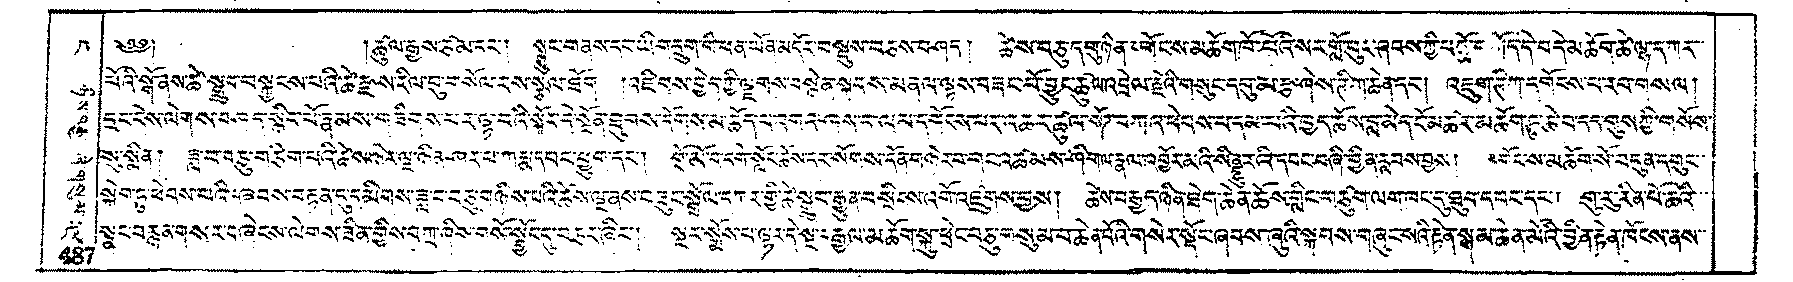༄༅། །ཚུལ་རྒྱས་ཙམ་དང་། སྨྱུང་གནས་དང་ཡིག་དྲུག་གི་ཕན་ཡོན་མདོར་བསྡུས་བཅས་བཤད། ཚེས་བཅུ་དགུ་ཉིན་༧གོང་ས་མཆོག་ཁོ་བོའི་སར་གློ་བུར་ཞབས་ཀྱི་པདམོ་བཀོད་དེ་བདེ་མཆོག་ཚེ་ལྷ་དཀར་
པོའི་སྒོ་ནས་ཚེ་སྒྲུབ་བསྐྱངས་པའི་ཚེ་རྫས་རིལ་བུ་གསོལ་རས་སྩལ་ཐོག །འཇིགས་བྱེད་ཀྱི་ལྗགས་བསྙེན་སྐབས་མནལ་ལྟས་བཟང་པོ་བྱུང་ཚུལ་འབྲེལ་རྗེའི་གསུང་དབུ་མ་རྩ་ཤེས་ཊིཀ་ཆེན་དང་། འཇུག་ཊིཀ་དགོངས་པ་རབ་གསལ།
དྲང་ངེས་ལེགས་བཤད་སྙིང་པོ་རྣམས་གཟིགས་པར་ལྟ་བའི་སྐོར་དེ་སྔོན་ཐུགས་དོགས་མ་ཆོད་པ་འགའ་ཤས་ད་ལམ་དགོངས་པར་འཆར་ཚུལ་སོགས་བཀའ་ཕེབས་པ་དམ་པའི་ཁྱད་ཆོས་བླ་མེད་ངོ་མཚར་མཆོག་ཏུ་ཆེ་བ་དད་གུས་ཀྱི་གསོས་
སུ་སྨིན། ཟླ་བ་བཅུ་གཅིག་པའི་ཚེས་ཉེར་ལྔ་ཉིན་ཤར་པ་ཀརྨ་དབང་ཕྱུག་དང་། གྲོ་མོ་བ་དགེ་སློང་ཆོས་དར་སོགས་དོན་གཉེར་བ་གང་འཚམས་ཤིག་ལ་རྣལ་འབྱོར་མའི་སིནྡྷུ་རའི་དབང་བཞི་བྱིན་རླབས་བྱས། ༧གོང་ས་མཆོག་སོ་བདུན་དགུང་
སྐེག་ཏུ་ཕེབས་པའི་༧ཞབས་བརྟན་དུ་དམིགས་ཟླ་བ་བཅུ་གཉིས་པའི་ཚེས་ལྔ་ནས་བཟུང་སྒྲོལ་དཀར་གྱི་ཚེ་སྒྲུབ་རྒྱུན་བསྲིངས་འགོ་འཛུགས་བྱས། ཚེས་བརྒྱད་ཉིན་ཐེག་ཆེན་ཆོས་གླིང་གཙུག་ལག་ཁང་དུ་ཐུབ་དབང་དང་། གུ་རུ་རིན་པོ་ཆེའི་
སྣང་བརྙན་གསར་བཞེངས་ལེགས་ཟིན་གྱིས་བཀྲ་ཤིས་གསོ་སྦྱོང་དུ་བཅར་ཞིང་། སྔར་སྨོས་པ་ལྟར་དེ་སྔ་༧རྒྱལ་མཆོག་སྐུ་ཕྲེང་བཅུ་གསུམ་པ་ཆེན་པོའི་གསེར་སྡོང་ཞབས་ཞུའི་སྐབས་གཞུང་སའི་རྟེན་སྒམ་ཆེན་མོའི་བྱིན་རྟེན་ཁོངས་ནས་